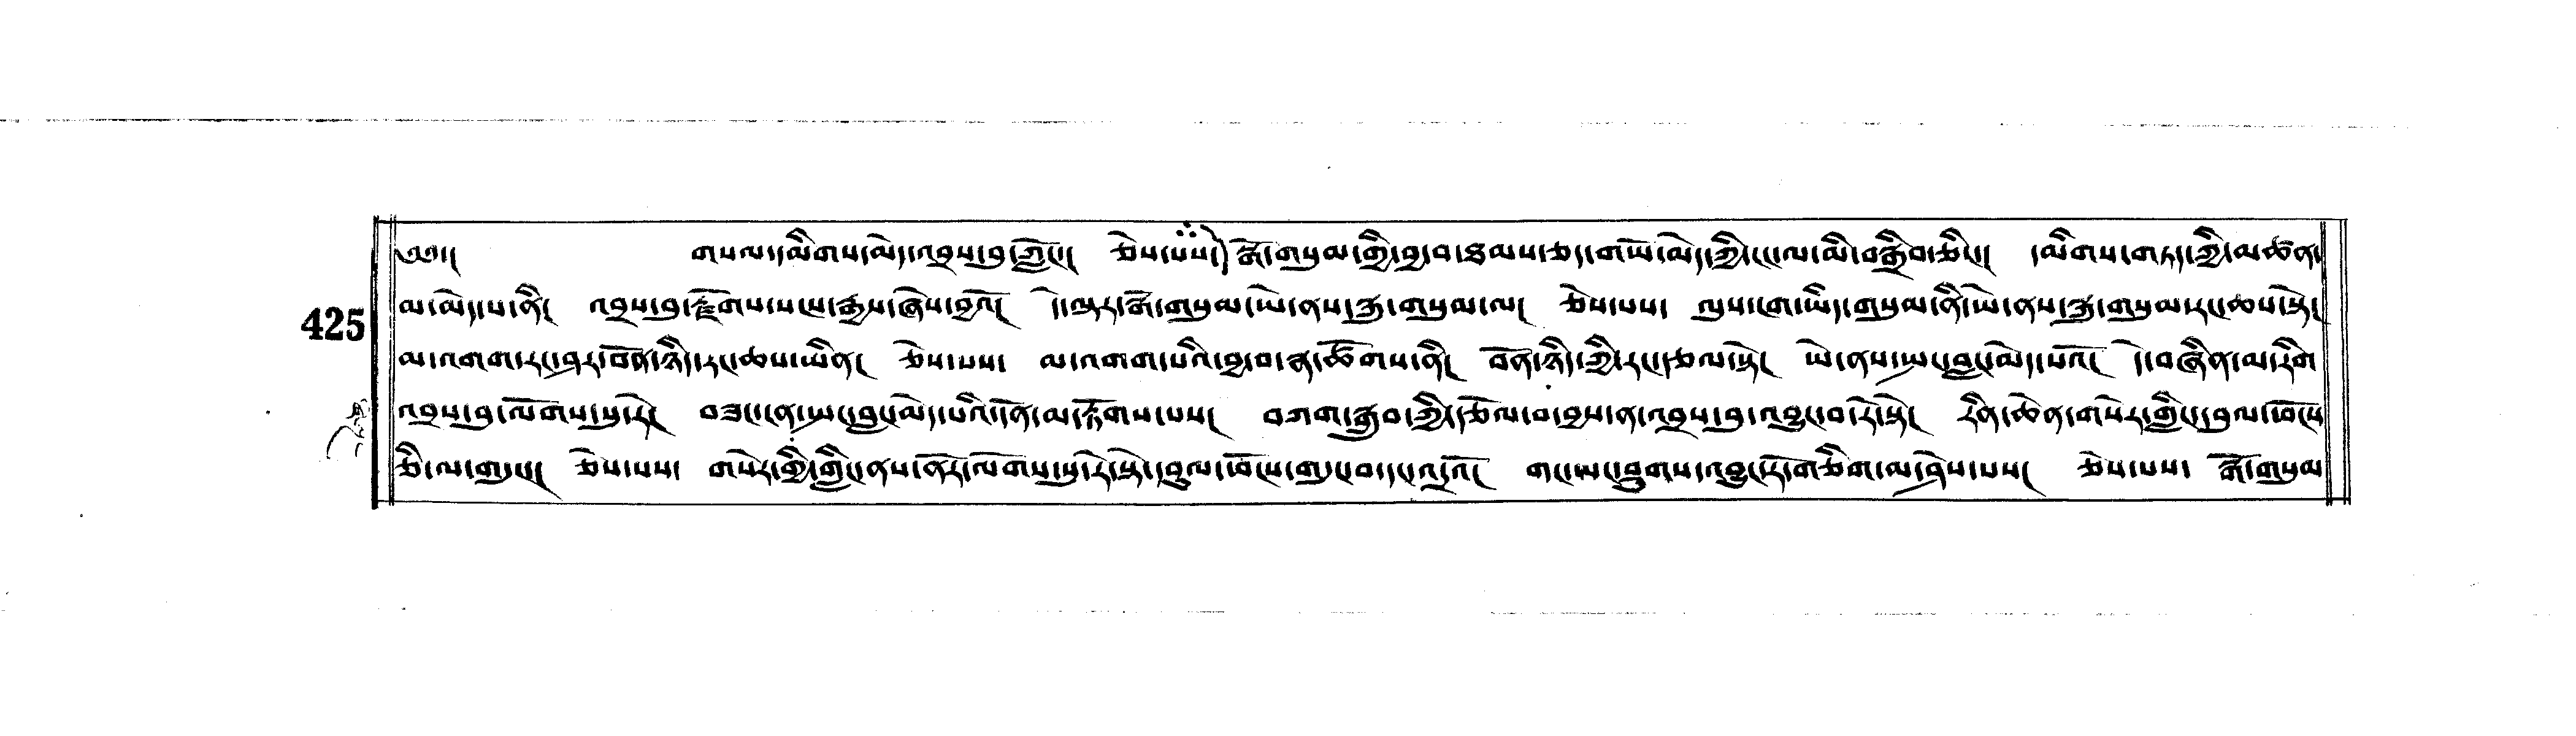སྒོ་གསུམ་གྱི་བྱ་བ་ཐམས་ཅད་གཡོ་མེད་ཀྱི་ངང་ལ་མི་བསྒྲིབས་ཅིང་། དམིགས་གཏད་ཀྱི་མཚན་
མ་མེད་པ་ནི། འབྲས་བུ་རྫོགས་སངས་རྒྱས་ཞེས་བྱའོ། དེ་ལྟར་སྒོ་གསུམ་ཡེ་ནས་སྐུ་གསུམ་ལ། ཅེས་པས། ལུས་ངག་ཡིད་གསུམ་ནི་ཡེ་ནས་སྐུ་གསུམ་རང་ཆས་ཏེ།
མ་འགག་རང་ཤར་བོན་ཉིད་རང་ཆས་ཡིན། ཅེས་པས། མ་འགག་པའི་བྱ་བ་སྣ་ཚོགས་ནི། བོན་ཉིད་ཀྱི་རང་རྩལ་ཏེ། ཡེ་ནས་སྤང་བླང་མེད་པའོ། དེ་བཞིན་མ་རིག་
འབྲས་བུ་ལོགས་སུ་རེ། བཟང་ངན་སྤང་བླང་མེད་པའི་དོན་མ་རྟོགས་པས། བཀག་སྒྲུབ་ཀྱི་རྩོལ་བ་བྱས་ན་འབྲས་བུ་འབྱུང་བ་རེ་སྟེ། རིན་ཆེན་གསེར་གླིང་དབུལ་ཕོངས་
ཅི་ལ་གདུང་། ཅེས་པས། གསེར་གྱི་གླིང་ནས་ནོར་ལོགས་སུ་རེ་སྟེ་དབུལ་ཕོངས་གདུང་བ་དང་འདྲའོ། གང་ཡང་ཤུགས་འབྱུང་རོ་གཅིག་མ་ཤེས་པས། ཅེས་པས། སྒོ་གསུམ་